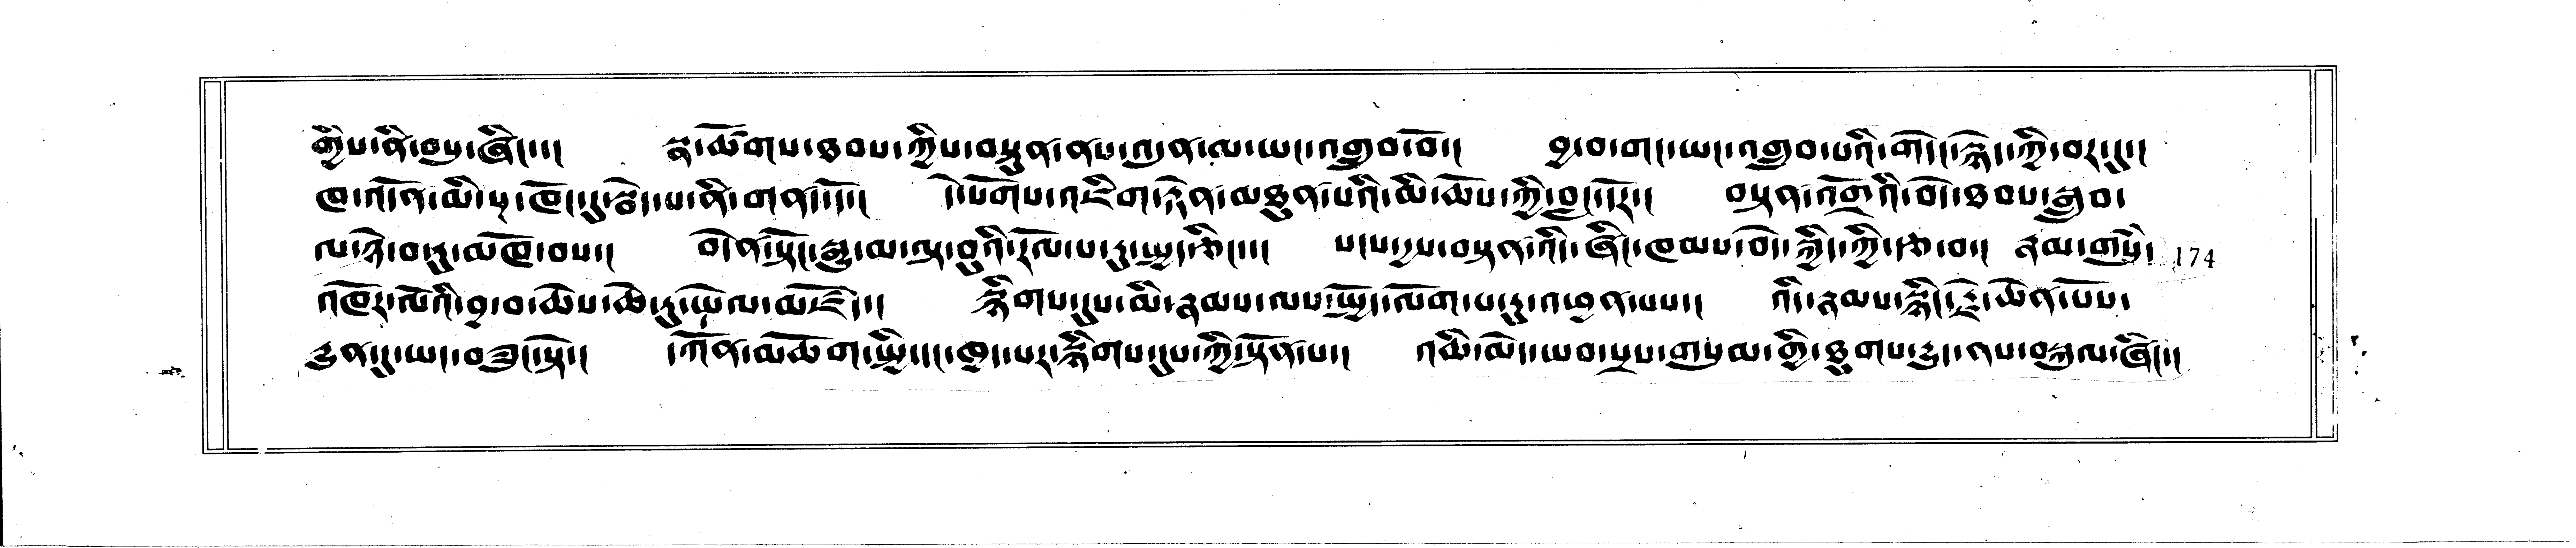གྱིས་ནི་བསུ་ཞིང་། །སྣ་ཚོགས་ཐབས་ཀྱིས་བསྟུན་ནས་འདུན་མ་ཡང་འགྲུབ་བོ། །བྱ་བ་གང་ཡང་འགྲུབ་པའི་གདེང་རྙེད་ཀྱི་བར་དུ། །
ཁ་འདོན་མི་སྔ་ཁོང་དུ་སྦེད་པ་ནི་གནད་དོ། །དེ་སོགས་འཇིག་རྟེན་མཐུན་པའི་མི་ཆོས་ཀྱི་བླང་དོར། །བསྟན་འགྲོའི་བདེ་ཐབས་བསྒྲུབ་
ལ་ཉེ་བ་རུ་མཁོ་བས། །བདེན་སྟོང་སྒྱུ་མ་ལྟ་བུའི་རོལ་པ་རུ་སྤྱད་ཅིང་། །སངས་རྒྱས་བསྟན་འདི་ཞིང་ཁམས་བདེ་སྐྱིད་ཀྱི་རྩ་བ། །རྣམ་གསུམ་
འཁོར་ལོའི་བྱ་བ་ཆེས་ཆེ་རུ་སྤེལ་མཛོད། །སྙིགས་དུས་མི་རྣམས་ལས་སྤྱོད་ལོག་པ་རུ་འཕྱན་པས། །འདི་རྣམས་སྙིང་རྗེ་ཆེན་པོས་
རྒྱུན་དུ་ཡང་བཟུང་སྟེ། །དཀོན་མཆོག་སྤྱི་དང་ཁྱད་པར་སྙིགས་དུས་ཀྱི་སྟོན་པ། །འཆི་མེད་ཡབ་སྲས་གསུམ་གྱི་ཐུགས་རྒྱུད་ནས་བསྐུལ་ཞིང་། །